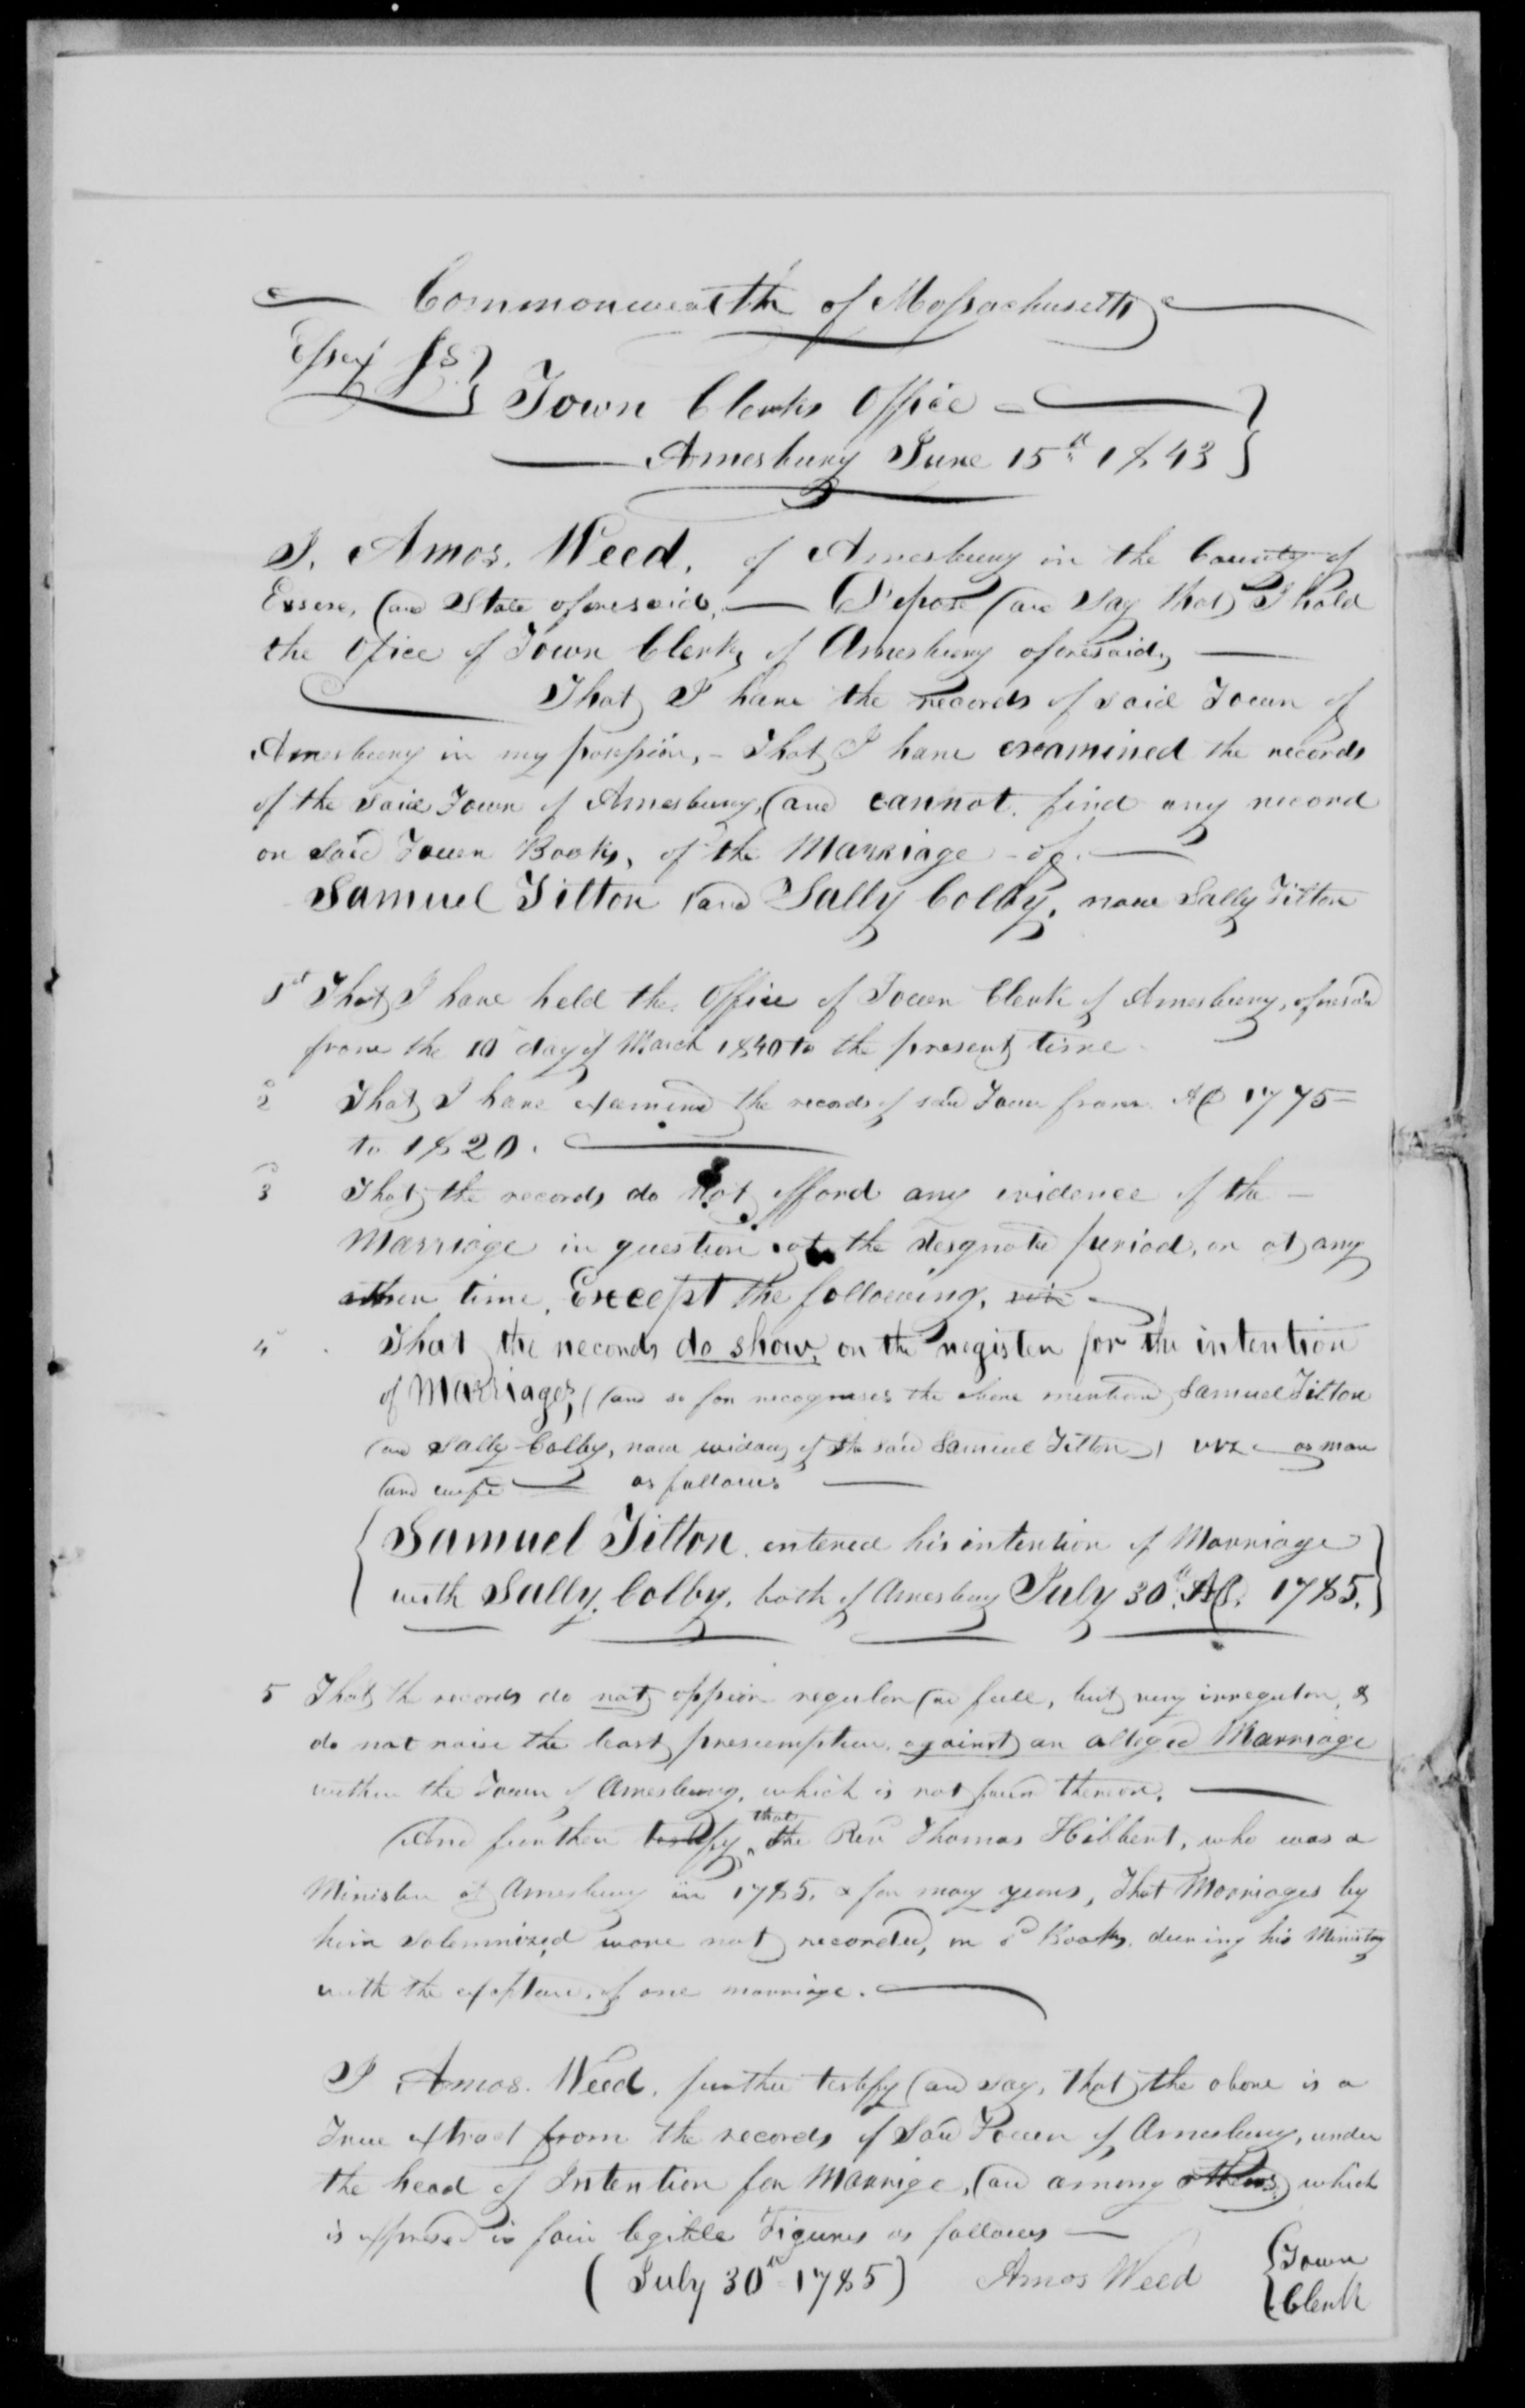Commonwealth of Massachusetts
Essex SS
Town Clerks Office-
Amesbury June 15th 1843
I Amos Weed of Amesbury in the County of Essex, and State aforesaid, Depose and say that I hold the office of Town Clerk of Amesbury aforesaid,
That I have the records of said Town of Amesbury in my possession, That I have examined the records of the said Town of Amesbury, and cannot find any record
on said Town Books, of the Marriage of
Samuel Tilton and Sally Colby now Sally Tilton

1st That I have held the office of Town Clerk of Amesbury, aforesaid from the 10 day of March 1840 to the present time
2nd That I have examined the records of said same from AD 1775 to 1820
3d That the records do not afford any evidence of the
Marriage in question of the designate period, or at any
other time. Except the following,
4th That the records do show, on the register for the intention of Marriages (and so far recognises the above mentioned) Samuel Tilton and Sally Colby, now widow of the said Samuel Tilton Viz - as man and wife as follows
Samuel Tilton entered his intention of Marriage
with Sally Colby, both of Amesbury July 30th AD 1785
5 That the records do not appear regular and full, but very irregular, and do not raise the least presumption, against an alleged Marriage within the Town of Amesbury, which is not found thereon.
And further testify that the Revd Thomas Hibbert, who was a Minister of Amesbury in 1785, and for many years, That Marriages by him solemnized were not recorded in sd [said] Books, during his Ministry with the exception, of one marriage.-
I Amos. Weed, further testify and say, that the above is a
true extract from the records of said Town of Amesbury, under the head of Intention for Marriage, and among others, which is expressed in fair legible figures as follows -
(July 30th 1785) Amos Weed
Town Clerk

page: 13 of 55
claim: widow's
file: W. 14,021, for Samuel Tilton, New Hampshire